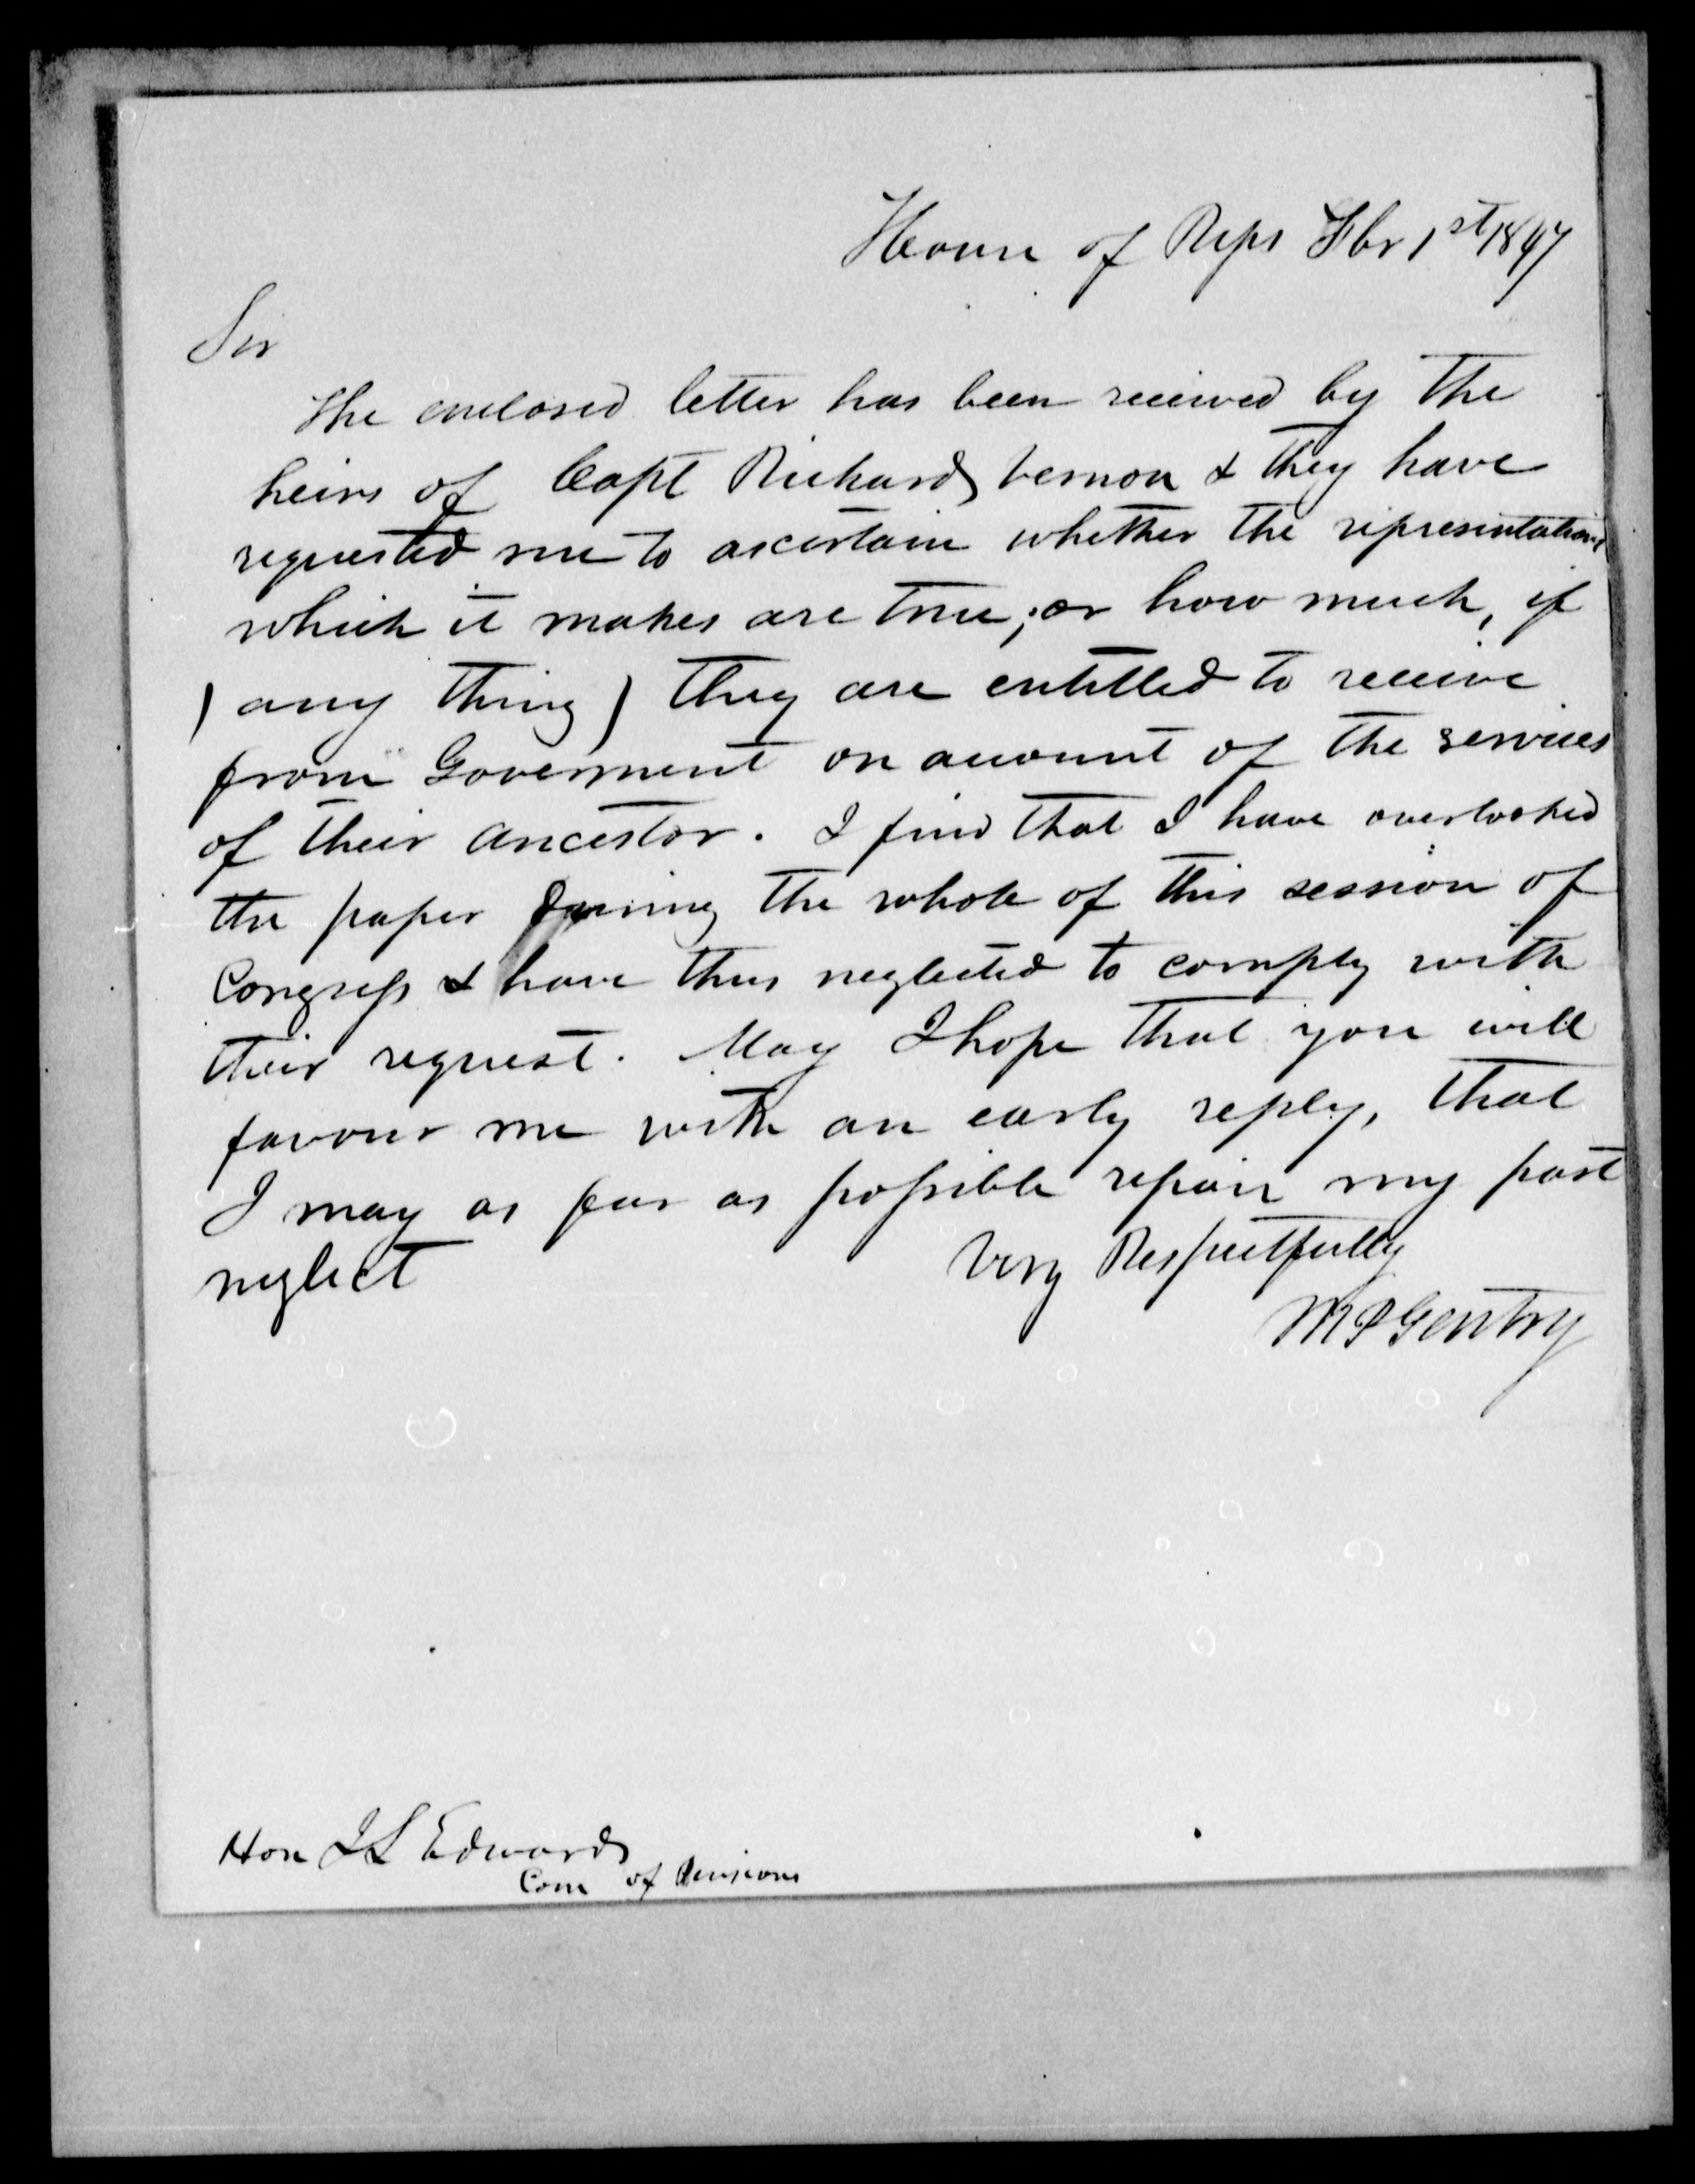House of Reps Fbr 1st 1847

Sir

The enclosed letter has been received by the heirs of Capt Richard Vernon & they have requested me to ascertain whether the [illegible] which it makes are true; or how much, if (any thing) they are entitled to receive from government on account of the services of their ancestor. I find that I have overlooked the paper [illegible] the whole of this session of Congress & have thus  neglected to comply with their request. May I hope that you will favour me with an early reply, that I may as far as possible repair my past neglect.

Very Respectfully
M P Gentry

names: Richard Vernon, M P Gentry, J L Edwards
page: 75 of 105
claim: survivor's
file: S. 1883, Richard Vernon, N.C.